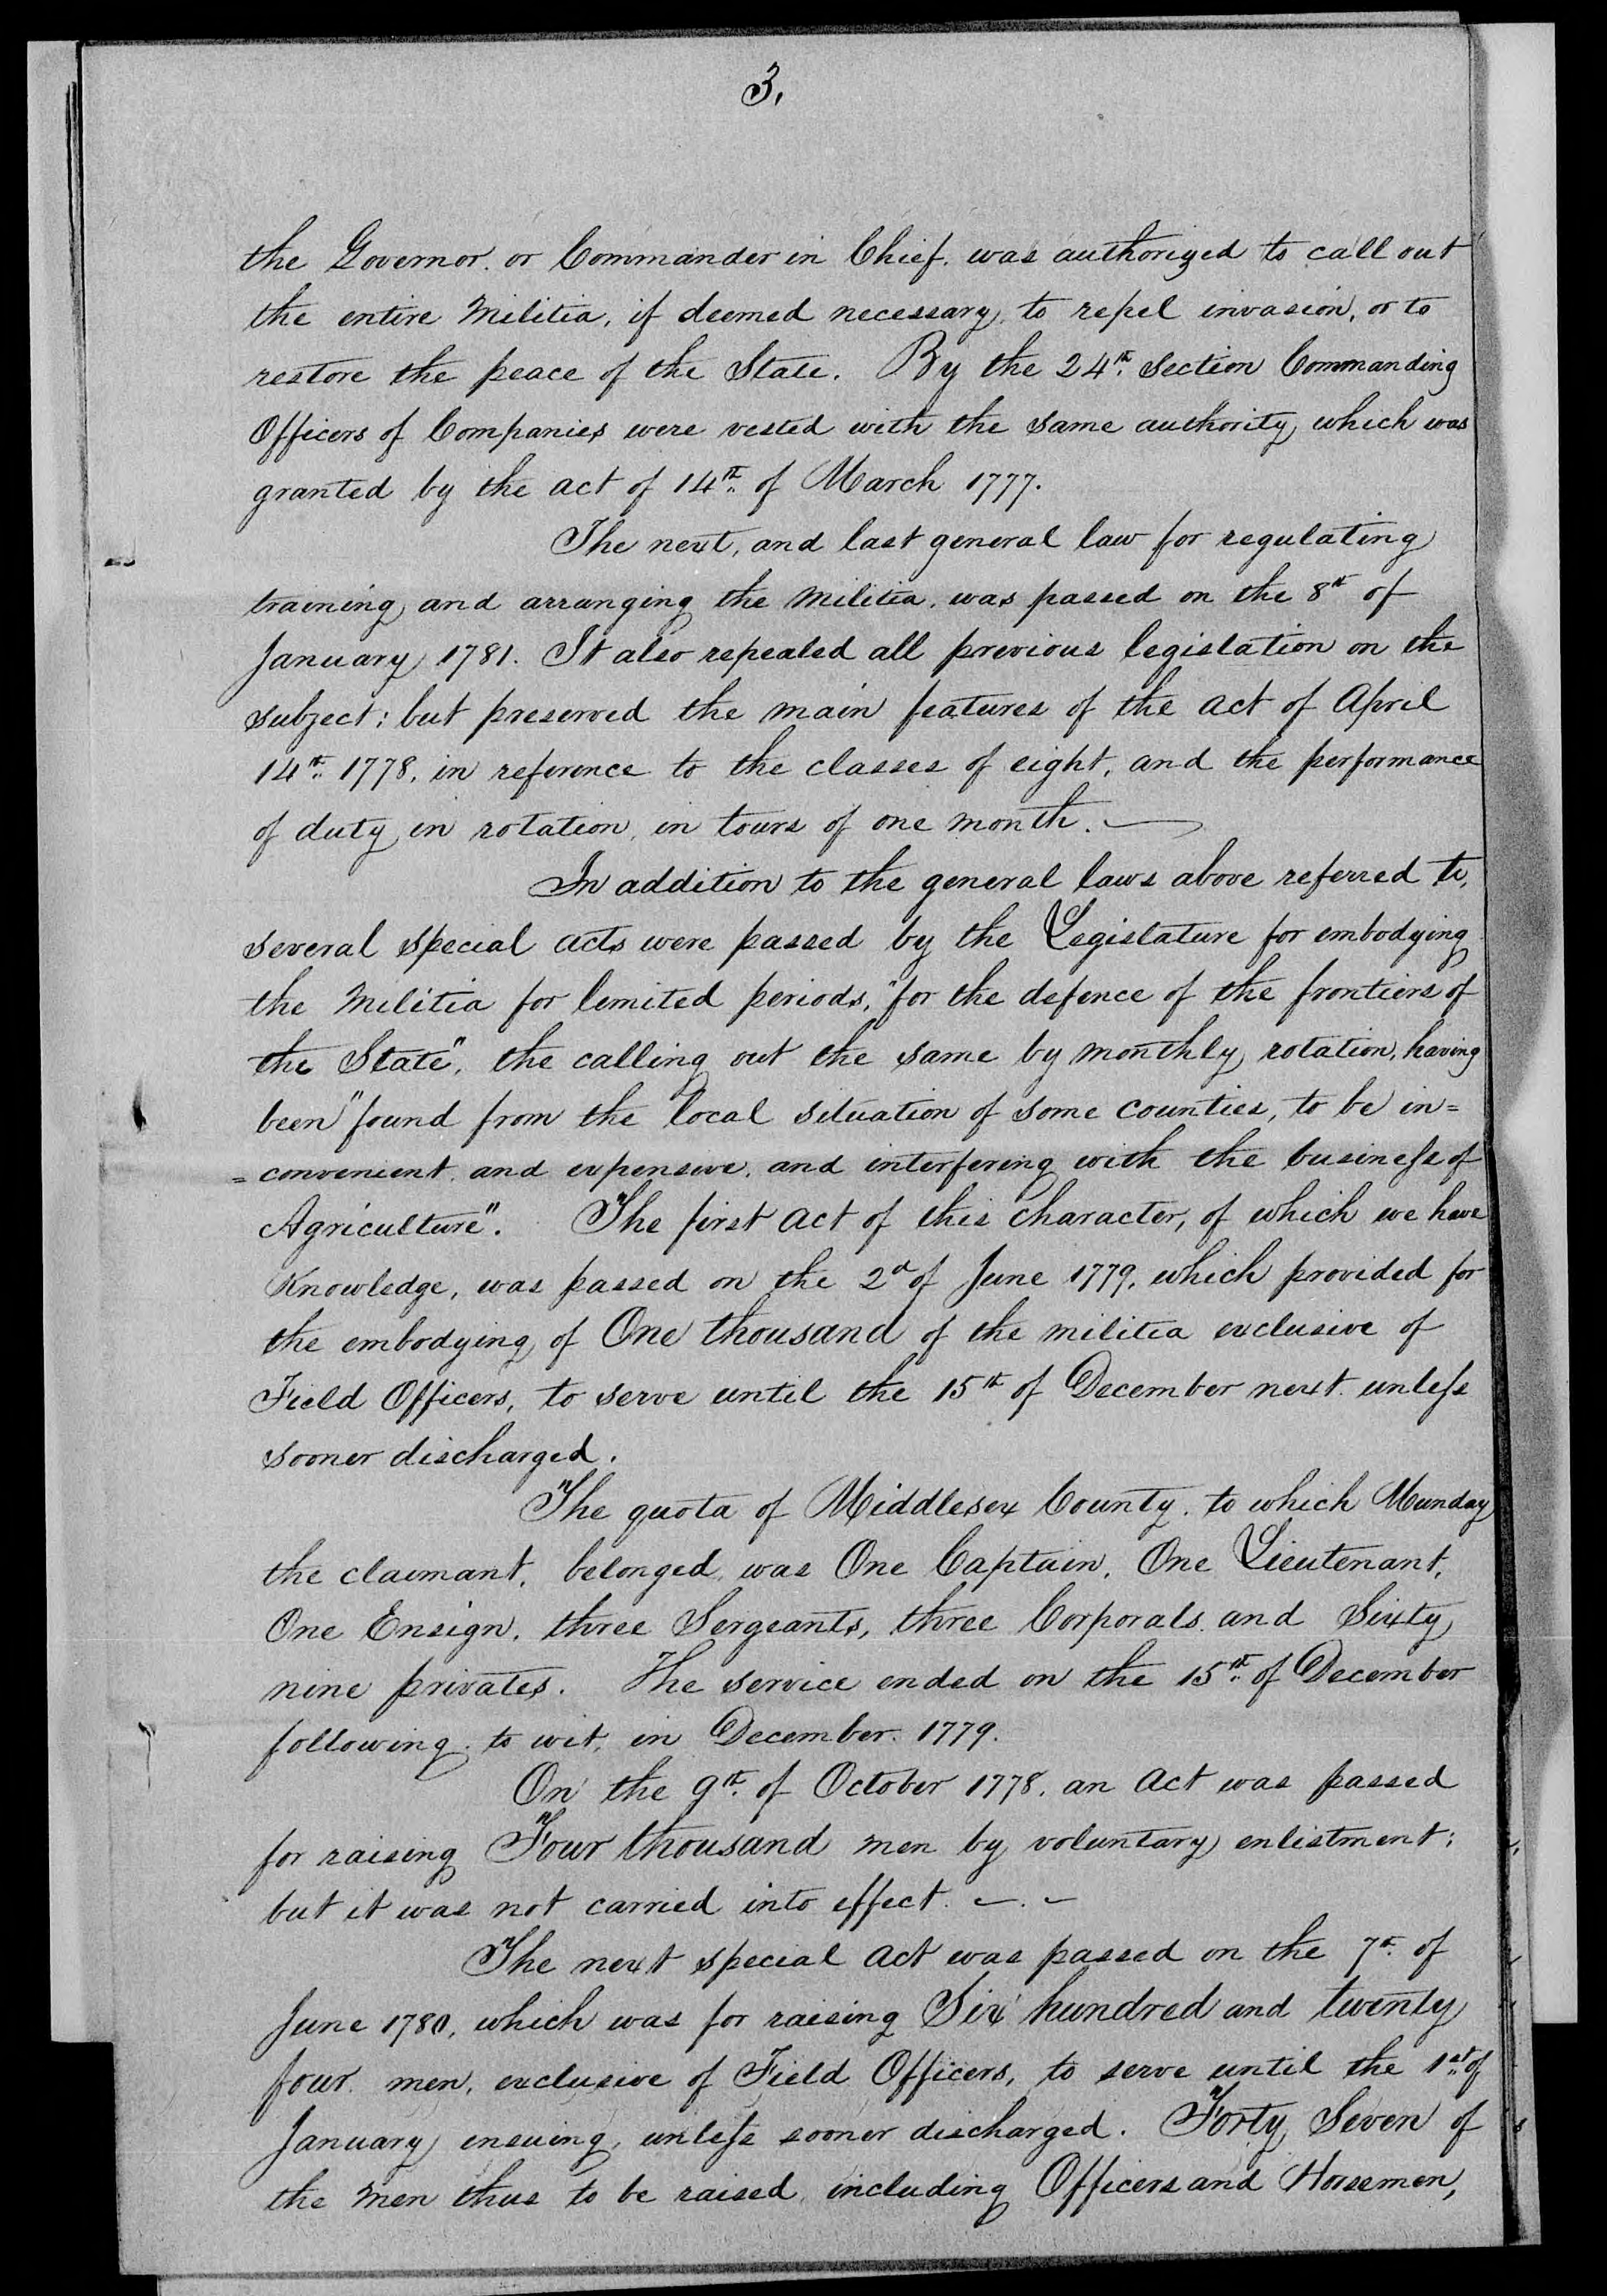...3

the Governor or Commander-in-Chief was authorized to call out the entire militia, if deemed necessary, to repel invasion or to restore the peace of the State. By the 24th section, commanding officers of companies were vested with the same authority which was granted by the act of 14th of March 1777.

The next and last general law for regulating training and arranging the militia was passed on the 8th of January 1781. It also repealed all previous legislation on the subject; but preserved the main features of the Act of April 14th 1778 in reference to the classes of eight and the performance of duty in rotation, in tours of one month.

In addition to the general laws above referred to, several special acts were passed by the Legislature for embodying the militia, for limited periods, for the defense of the frontiers of the State, the calling out the same by monthly rotation, having been, "found from the local situation of some Counties to be inconvenient and expensive and interfering with the business of agriculture.:

The first act of this character, of which we have knowledge, was passed on the 2nd of June 1779, which provided for the embodying of one thousand of the militia, exclusive of field officers, to serve until the 15th of December next unless sooner discharged.

The quota of Middlesex County, to which Munday, the claimant, belonged, was one captain, one lieutenant, one ensign, three sergeants, three corporals and sixty nine privates. The service ended on the 15th of December following, to wit, in December 1779.

On the 9th of October 1778, an act was passed for raising four thousand men by voluntary enlistment; but it was not carried into effect.

The next special act was passed on the 7th of June 1780, which was for raising six hundred and twenty four men, exclusive of field officers, to serve until the 1st of January ensuing, unless sooner discharged. Forty seven of the men thus to be raised, including officers and horsemen,...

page: 30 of 95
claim: survivor's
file: S 2889, for Levi Mundy, New Jersey